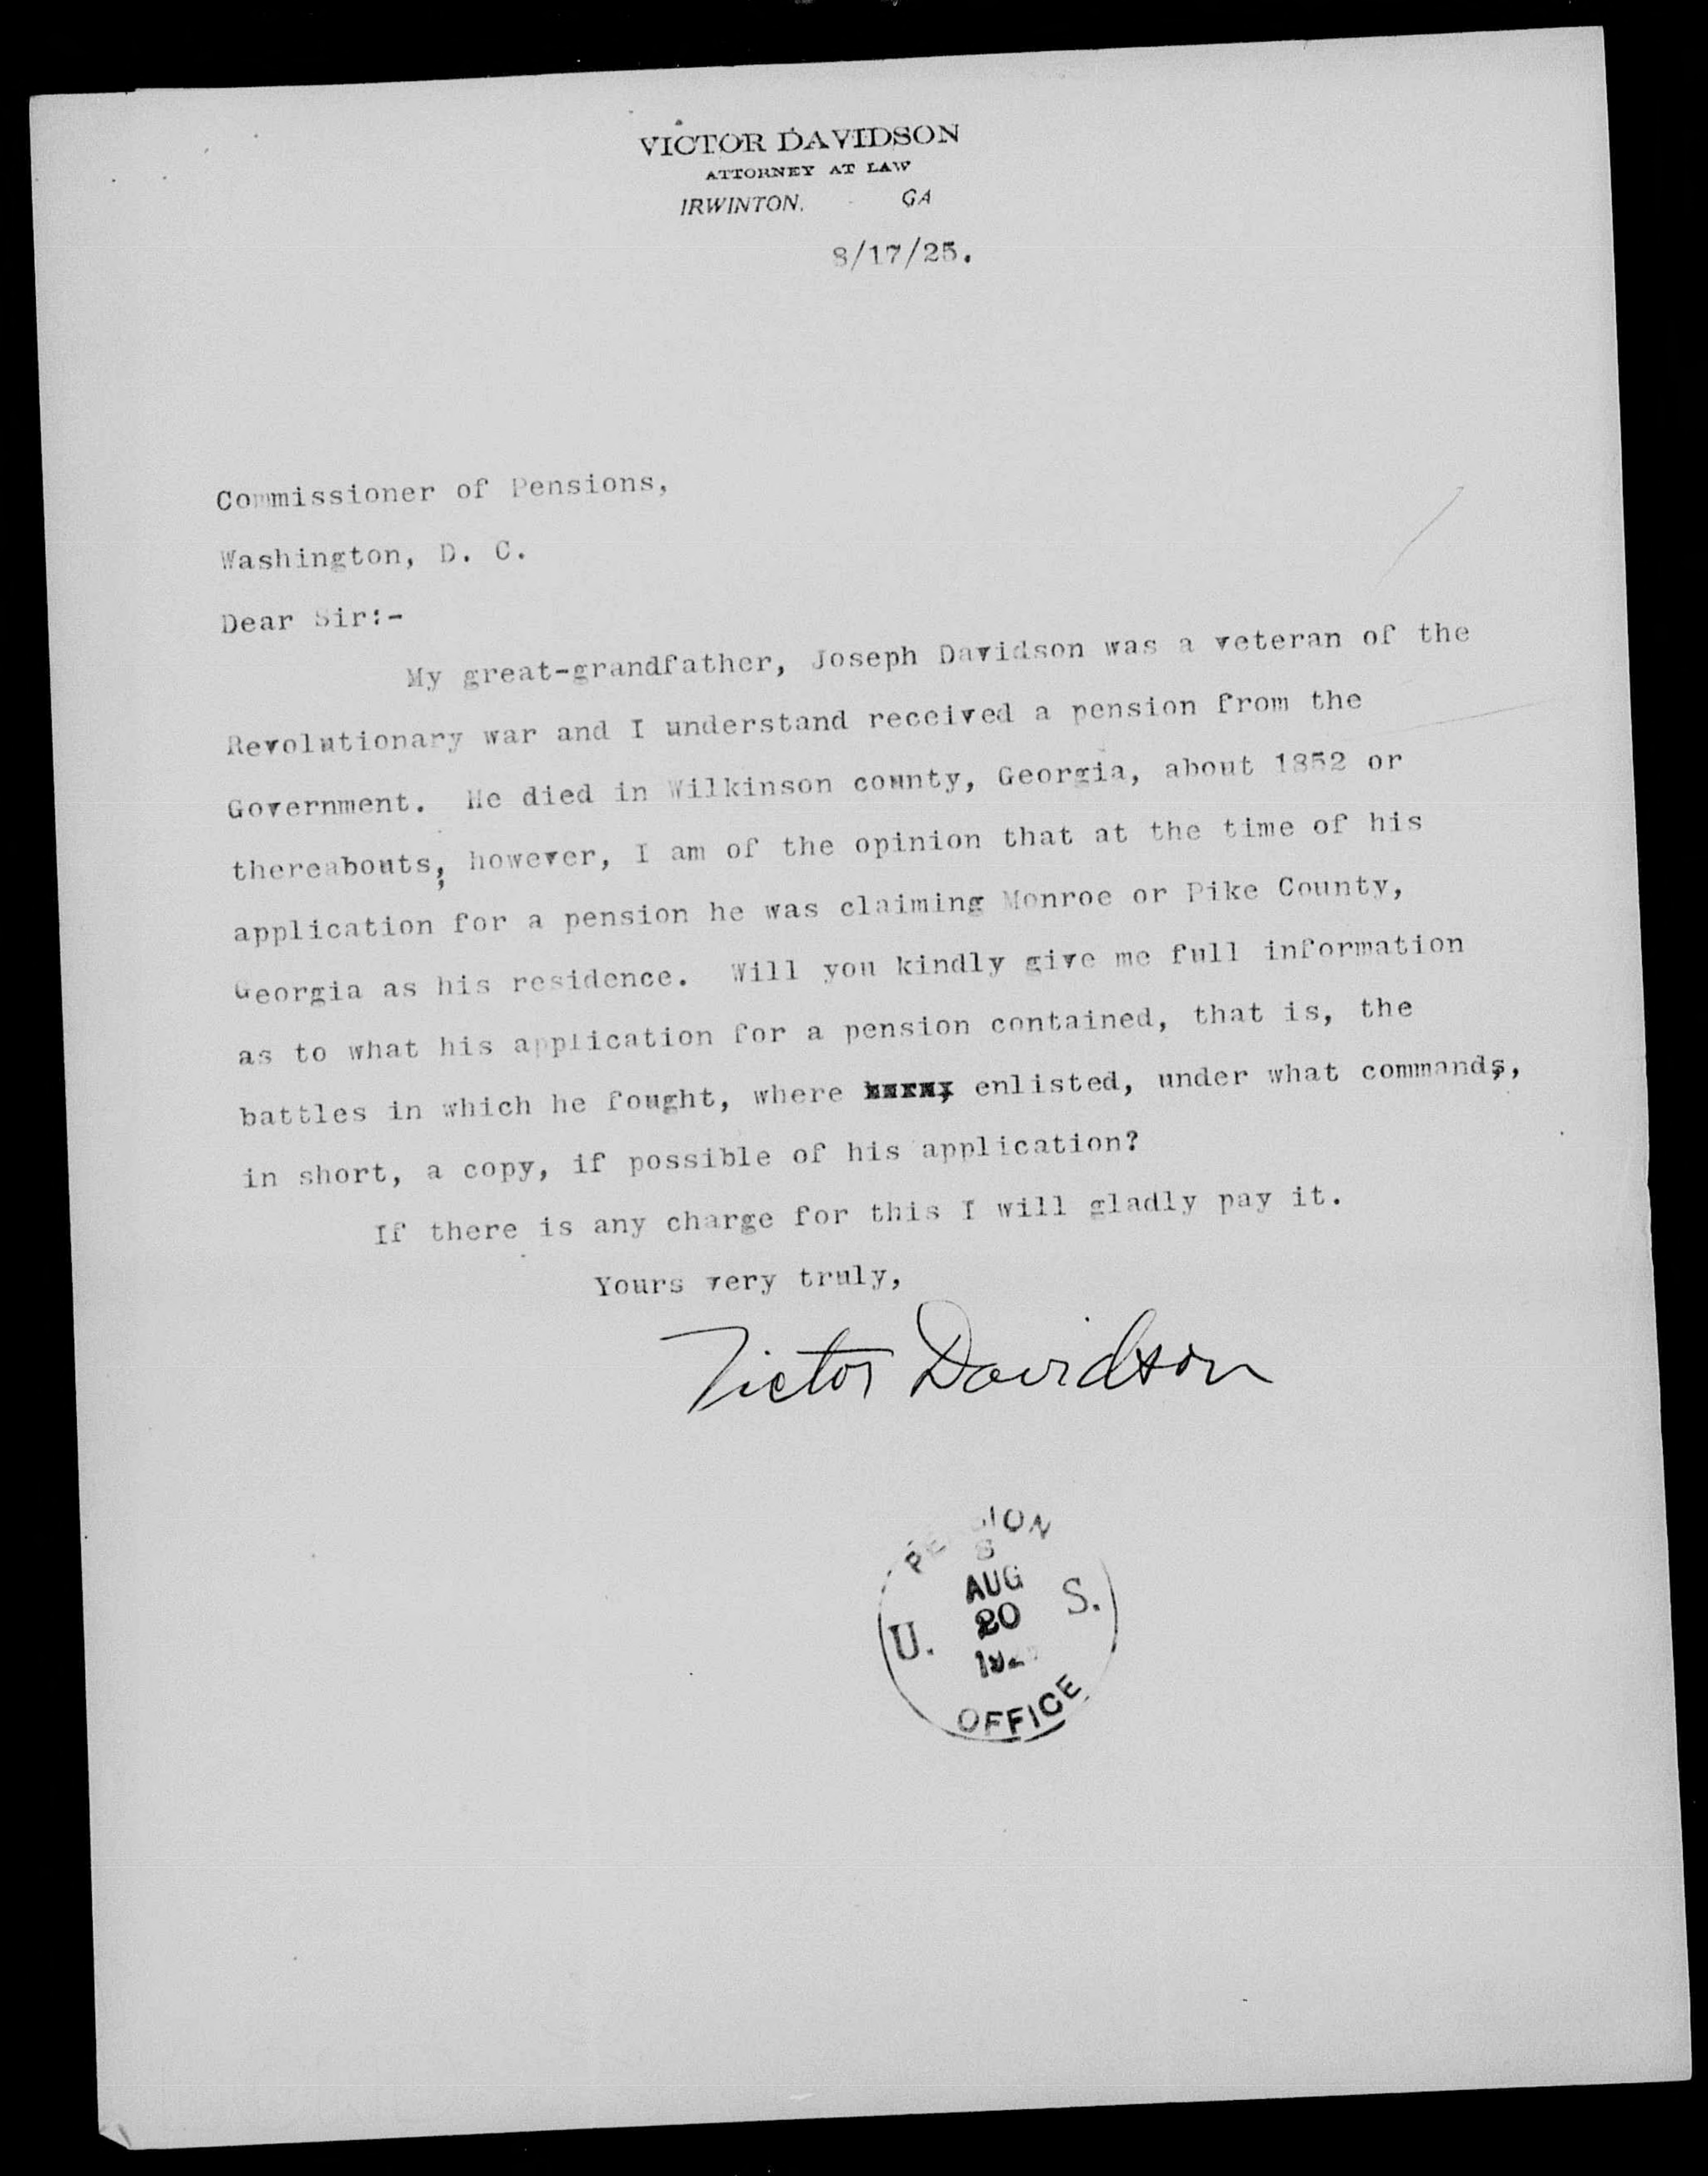VICTOR DAVIDSON
ATTORNEY AT LAW
IRWINTON. Georgia
8 / 17 / 25.
Commissioner of Pensions,
Washington, D. C.
Dear Sir: -
My great-grandfather, Joseph Davidson was a veteran of the
Revolutionary war and I understand received a pension from the
Government. He died in Wilkinson county, Georgia, about 1832 or
thereabouts, however, I am of the opinion that at the time of his
application for a pension he was claiming Monroe or Pike County,
Georgia as his residence. Will you kindly give me full information
as to what his application for a pension contained, that is, the
battles in which he fought, where my enlisted, under what commands
in short, a copy, if possible of his application?
if there is any charge for this I will gladly pay it.
Yours very truly,
Victor Davidson
[Stamp] U.S.PENSION OFFICE
S
AUGUST 20, 1925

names: Joseph Davidson, Victor Davidson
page: 54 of 63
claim: widow's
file: W. 4175, Joseph Davidson, N.C.